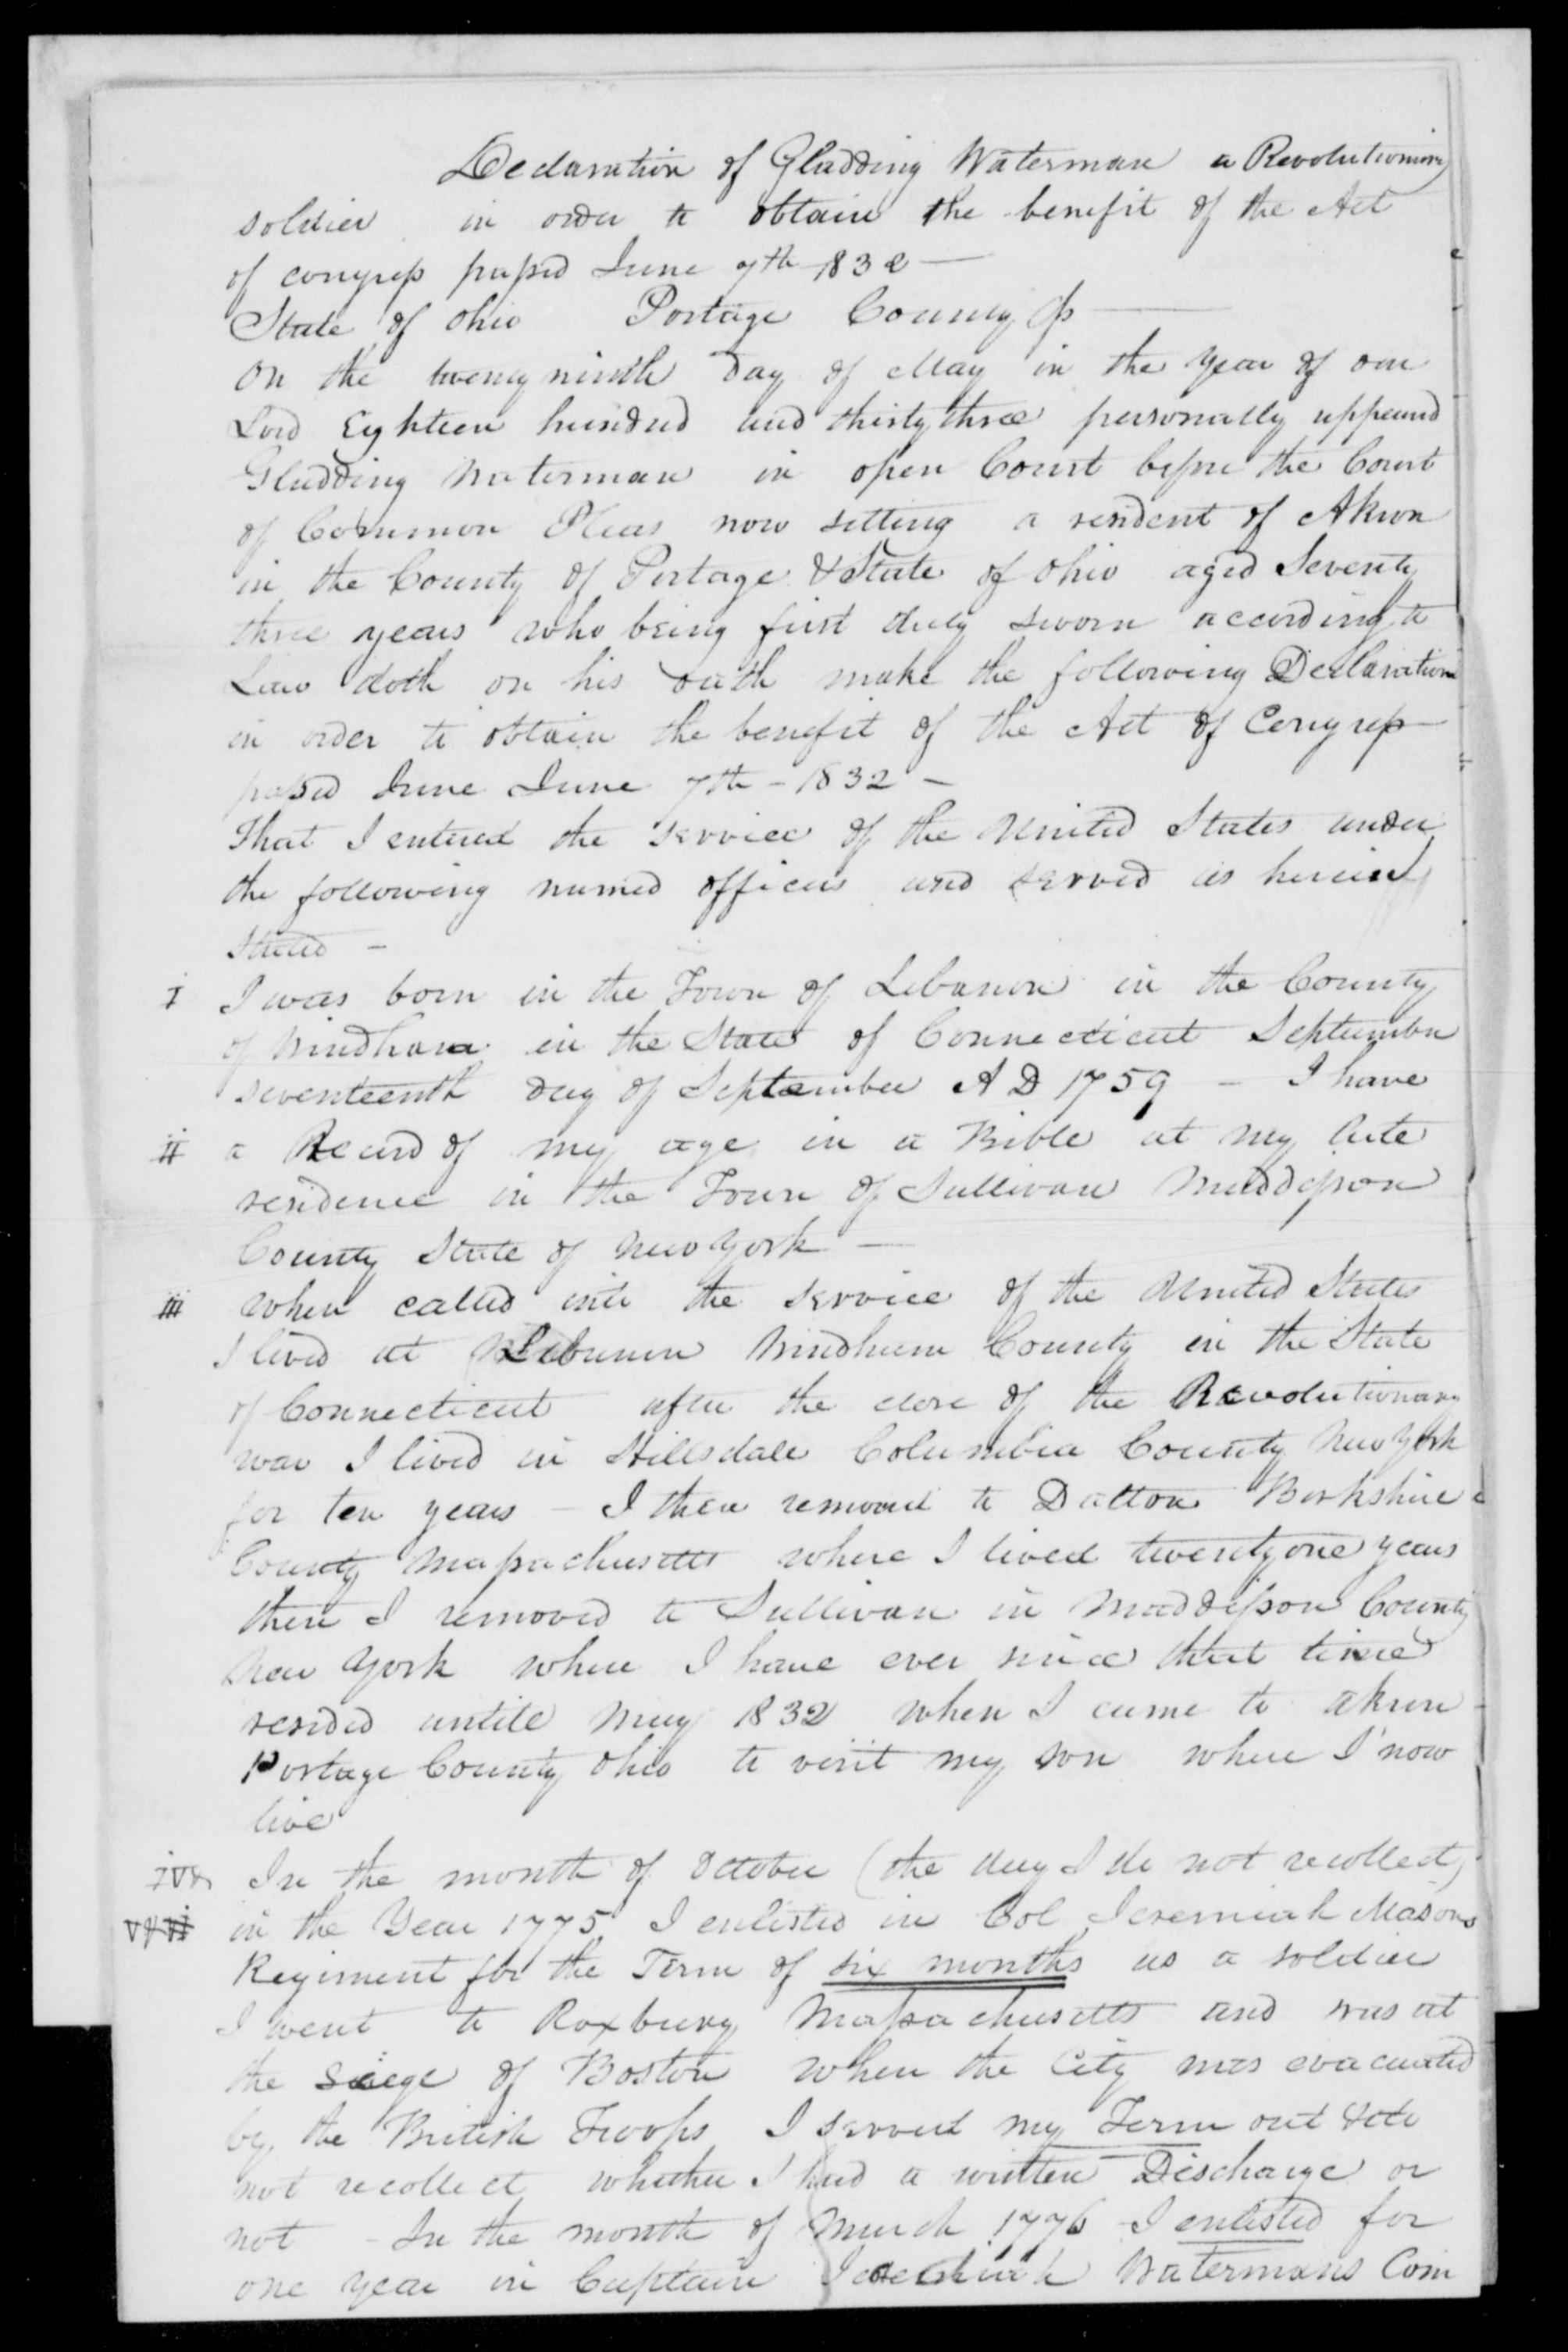Declaration of Gladding Waterman a Revolutionary soldier in order to obtain the benefit of the Act of Congress passed June 7th 1832.
State of Ohio
Portage County ss

On the twenty ninth day of May in the year of our Lord eighteen hundred and thirty three, personally appeared Gladding Waterman in open Court before the Court of Common Pleas now setting a resident of Akron in the County of Portage & State of Ohio, aged Seventy three years, who being first duly sworn according to Law doth on his oath make the following Declaration in order to obtain the benefit of the Act of Congress passed June 7th 1832.
That I entered the service of the United States under the following named officers as herein stated.
I.  I was born in the Town of Lebanon in the County of Windham in the State of Connecticut, September seventeenth day of September AD 1759. 
II.  I have a Record of my age in a Bible at my 
[illegible] residence in the Town of Sullivan, Madison County State of New York.
III. When called into the service of the United States I lived at Lebanon, Windham County in the state of Connecticut.  After the close of the Revolutionary war I lived in Hillsdale, Columbia County, New York for ten years. I then removed to Dalton, Berkshire County, Massachusetts where I lived twenty one years. Then I removed to Sullivan in Maddison County, New York where I have ever since that time resided until May 1832 when I came to Akron, Portage County, Ohio to visit my son. Where I now live.
IV. In the month of October (the day I do not recollect), in the Year 1775, I enlisted in Col Jeremiah Mason's Regiment for the term of six months as a soldier. I went to Roxbury, Massachusetts and was at the siege of Boston, when the city was evacuated by the British Troops. I served my Term out [illegible] not recollect whether I had a written Discharge or not.
V.  In the month of March 1776 I enlisted for one year in Captain J[illegible] Waterman's Company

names: Gladding Waterman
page: 5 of 50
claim: widow's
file: W. 15814, Glading Waterman, Conn. Conn. Sea Service Continental